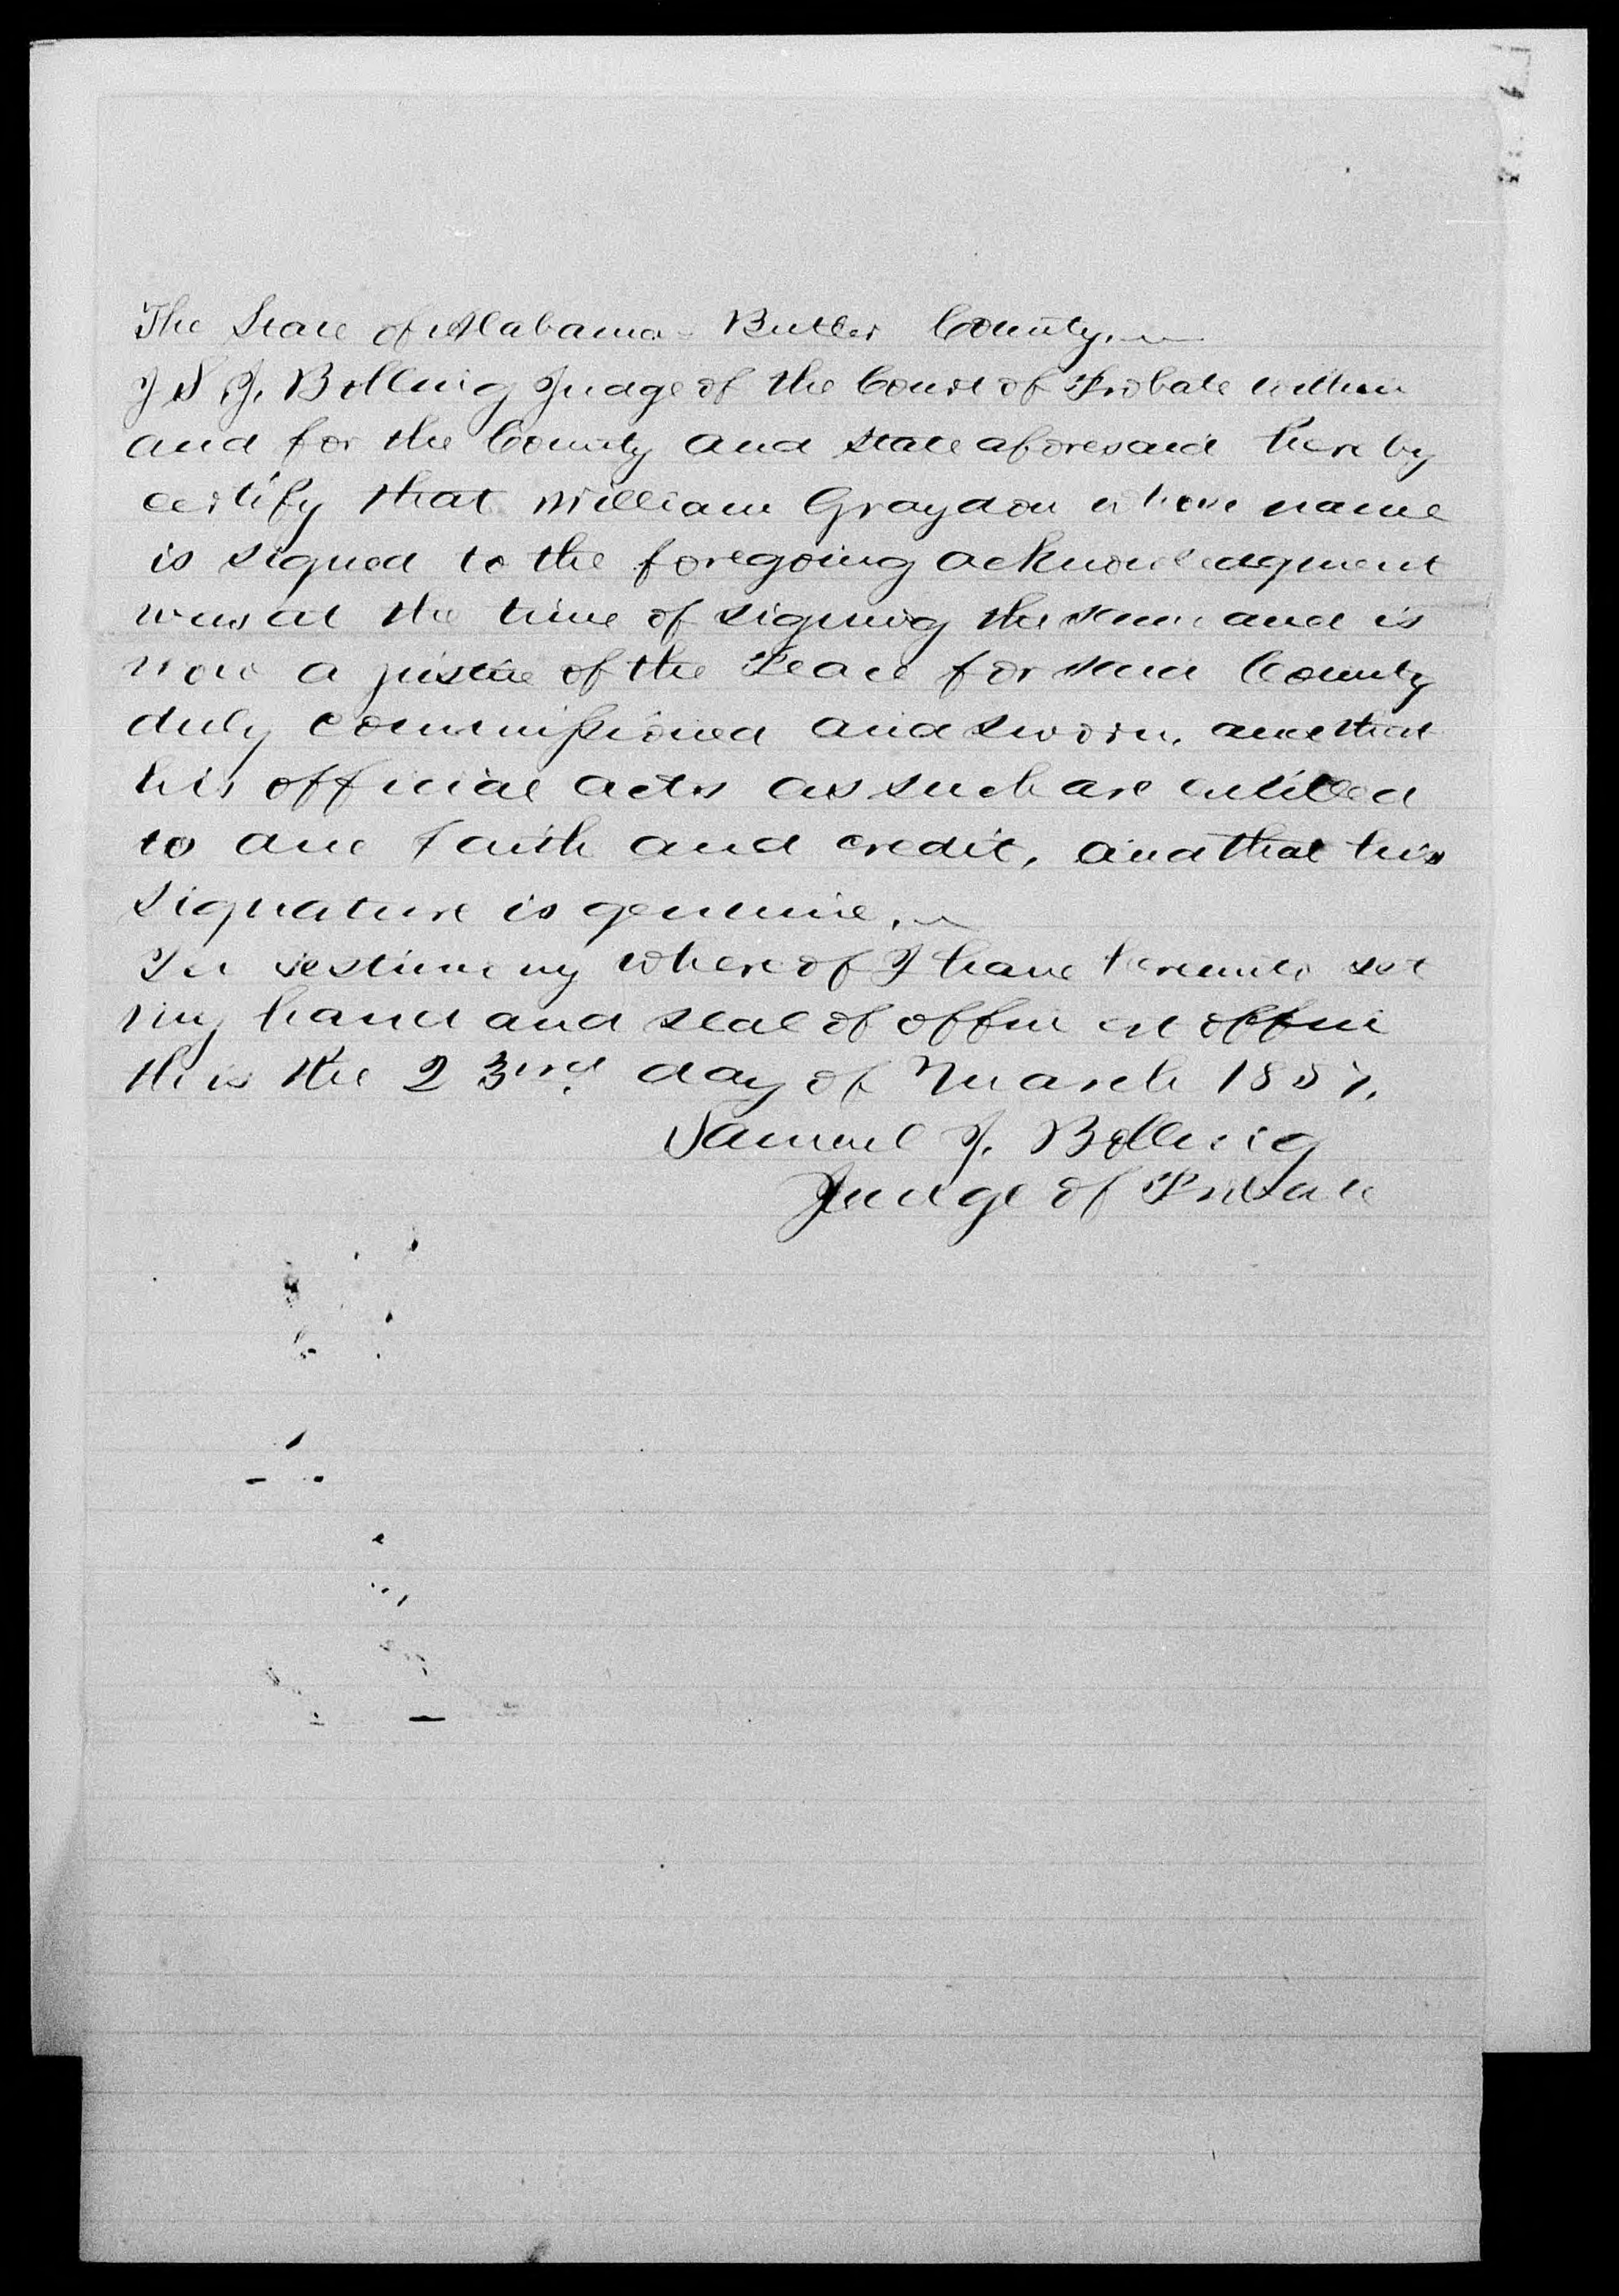The State of Alabama Butler County
I SJ Bolling judge of the court of probate within and for the county and state aforesaid hereby certify that William Graydon whose name is signed to the foregoing acknowledgement was at the time of signing the same and is now a justice of the peace for said county duly commissioned and sworn and that his official acts as such are entitled to due faith and credit and that his signature is genuine
In testimony whereof I have hereunto set my hand and seal of office at office this the 23rd day of March 1857
Samuel J Bolling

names: William Graydon; Samuel J Bolling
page: 21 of 26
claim: rejected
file: R. 8,161, for Theophilus Petty, South Carolina